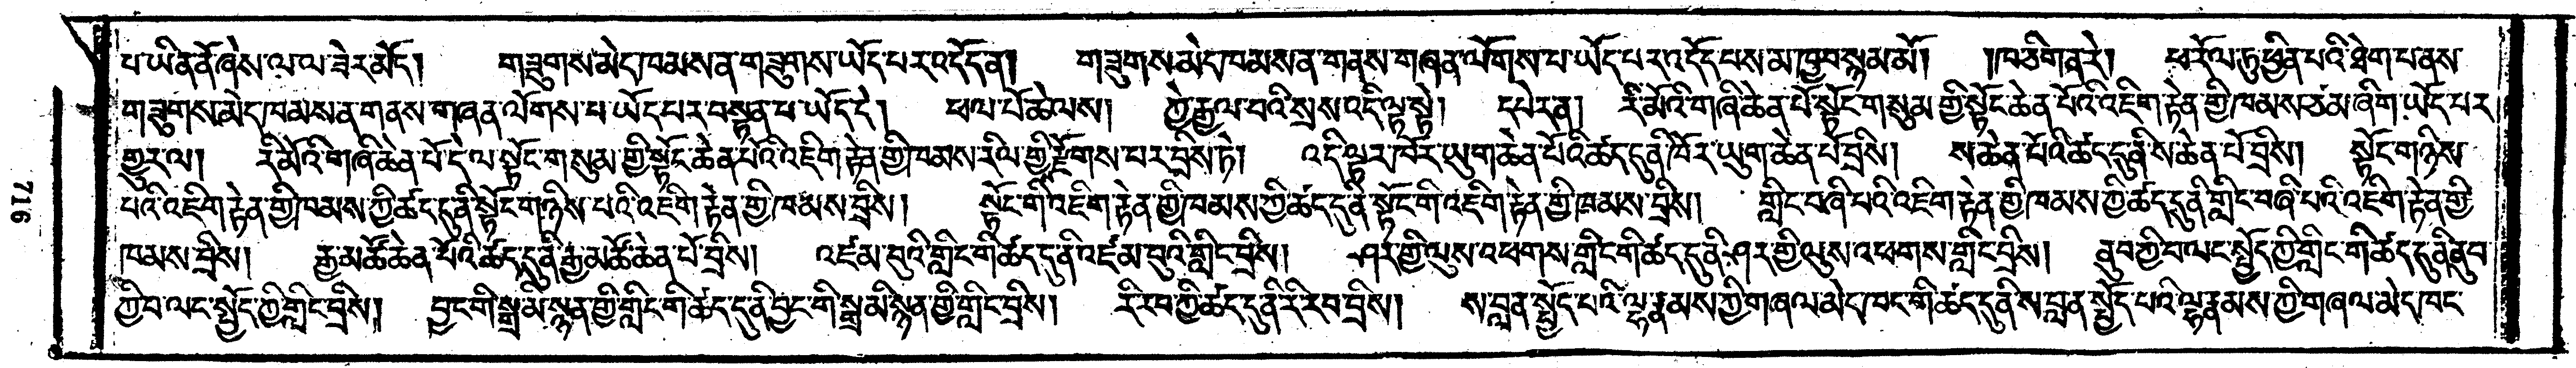པ་ཡིན་ནོ་ཞེས་ལ་ལ་ཟེར་མོད། གཟུགས་མེད་ཁམས་ན་གཟུགས་ཡོད་པར་འདོད་ན། གཟུགས་མེད་ཁམས་ན་གནས་གཞན་ལོགས་པ་ཡོད་པར་འདོད་པས་མ་ཁྱབ་སྙམ་མོ། །ཁ་ཅིག་ན་རེ། ཕ་རོལ་ཏུ་ཕྱིན་པའི་ཐེག་པ་ནས་
གཟུགས་མེད་ཁམས་ན་གནས་གཞན་ལོགས་པ་ཡོད་པར་བསྟན་པ་ཡོད་དེ། ཕལ་པོ་ཆེ་ལས། ཀྱེ་རྒྱལ་བའི་སྲས་འདི་ལྟ་སྟེ། དཔེར་ན། རི་མོའི་གཞི་ཆེན་པོ་སྟོང་གསུམ་གྱི་སྟོང་ཆེན་པོའི་འཇིག་རྟེན་གྱི་ཁམས་ཙམ་ཞིག་ཡོད་པར་
གྱུར་ལ། རི་མོའི་གཞི་ཆེན་པོ་དེ་ལ་སྟོང་གསུམ་གྱི་སྟོང་ཆེན་པོའི་འཇིག་རྟེན་གྱི་ཁམས་རིལ་གྱིས་རྫོགས་པར་བྲིས་ཏེ། འདི་ལྟར་ཁོར་ཡུག་ཆེན་པོའི་ཚད་དུ་ནི་ཁོར་ཡུག་ཆེན་པོ་བྲིས། ས་ཆེན་པོའི་ཚང་དུ་ནི་ས་ཆེན་པོ་བྲིས། སྟོང་གཉིས་
པའི་འཇིག་རྟེན་གྱི་ཁམས་ཀྱི་ཚང་དུ་ནི་སྟོང་གཉིས་པའི་འཇིག་རྟེན་གྱི་ཁམས་བྲིས། སྟོང་གི་འཇིག་རྟེན་གྱི་ཁམས་ཀྱི་ཚད་དུ་ནི་སྟོང་གི་འཇིག་རྟེན་གྱི་ཁམས་བྲིས། གླིང་བཞི་པའི་འཇིག་རྟེན་གྱི་ཁམས་ཀྱི་ཚད་དུ་ནི་གླིང་བཞི་པའི་འཇིག་རྟེན་གྱི་
ཁམས་བྲིས། རྒྱ་མཚོ་ཆེན་པོའི་ཚད་དུ་ནི་རྒྱ་མཚོ་ཆེན་པོ་བྲིས། འཛམ་བུའི་གླིང་གི་ཚད་དུ་ནི་འཛམ་བུའི་གླིང་བྲིས། ཤར་གྱི་ལུས་འཕགས་གླིང་གི་ཚད་དུ་ནི་ཤར་གྱི་ལུས་འཕགས་གླིང་བྲིས། ནུབ་ཀྱི་བ་ལང་སྤྱོད་ཀྱི་གླིང་གི་ཚད་དུ་ནི་ནུབ་
ཀྱི་བ་ལང་སྤྱོད་ཀྱི་གླིང་བྲིས། བྱང་གི་སྒྲ་མི་སྙན་གྱི་གླིང་གི་ཚད་དུ་ནི་བྱང་གི་སྒྲ་མི་སྙན་གྱི་གླིང་བྲིས། རི་རབ་ཀྱི་ཚང་དུ་ནི་རི་རབ་བྲིས། ས་བླ་ན་སྤྱོད་པའི་ལྷ་རྣམས་ཀྱི་གཞལ་མེད་ཁང་གི་ཚད་དུ་ནི་ས་བླ་ན་སྤྱོད་པའི་ལྷ་རྣམས་ཀྱི་གཞལ་མེད་ཁང་